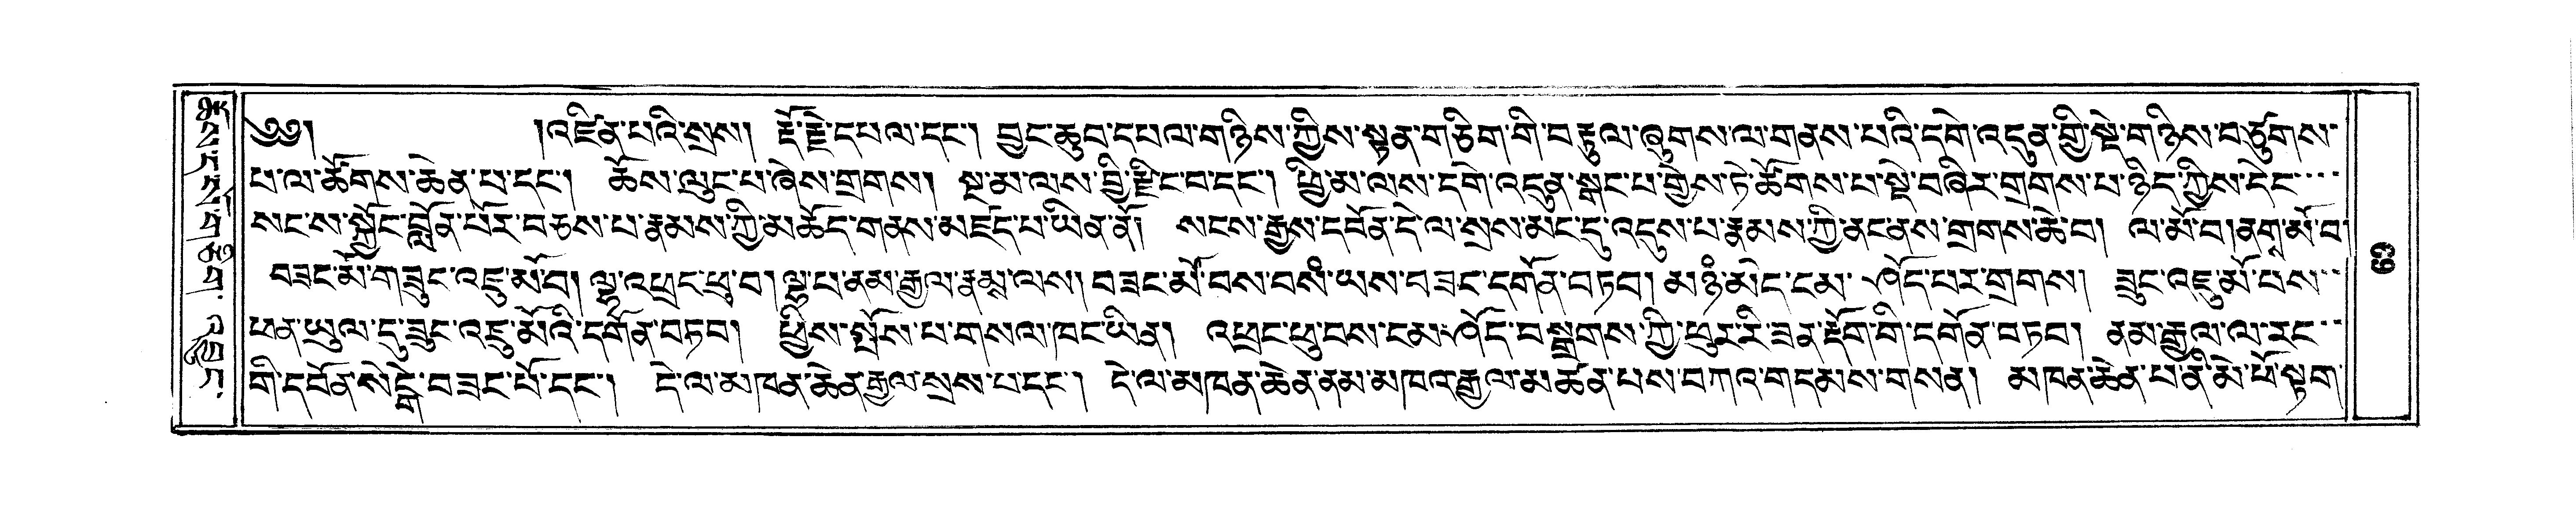༄༅། །འཛིན་པའི་སྲས། རྡོ་རྗེ་དཔལ་དང་། བྱང་ཆུབ་དཔལ་གཉིས་ཀྱིས་སྟན་གཅིག་གི་བརྟུལ་ཞུགས་ལ་གནས་པའི་དགེ་འདུན་གྱི་སྡེ་གཉིས་བཙུགས་
པ་ལ་ཚོགས་ཆེན་པ་དང་། ཆོས་ལུང་པ་ཞེས་གྲགས། སྔ་མ་ལས་བྱི་རྫིང་བ་དང་། ཕྱི་མ་ལས་དགེ་འདུན་སྒང་པ་གྱེས་ཏེ་ཚོགས་པ་སྡེ་བཞིར་གྲགས་པ་ཉིད་ཀྱིས་དེང་
སང་ས་སྐྱོང་བློན་པོར་བཅས་པ་རྣམས་ཀྱི་མཆོད་གནས་མཛད་པ་ཡིན་ནོ། །སངས་རྒྱས་དབོན་དེ་ལ་སྲས་མང་དུ་འདུས་པ་རྣམས་ཀྱི་ནང་ནས་གྲགས་ཆེ་བ། ལ་མོ་བ། ནགས་མོ་བ་
བཟང་མོ་གཟུང་འཇུ་མོ་བ། ལྷ་འཕྲང་ཕུ་བ། ལྷ་པ་ནམ་རྒྱལ་རྣམས་ལས། བཟང་མོ་བས་བསཾ་ཡས་བཟང་དགོན་བཏབ། མཉཾ་མེད་ངམ་ཤོད་བར་གྲགས། ཟུང་འཇུ་མོ་པས་
ཕན་ཡུལ་དུ་ཟུང་འཇུ་མོའི་དགོན་བཏབ། ཕྱིས་སྤོས་པ་གསལ་ཁང་ཡིན། འཕྲང་ཕུ་བས་ངམ་ཤོད་བསྒྲགས་ཀྱི་ཕུར་རི་ཟན་རྡོག་གི་དགོན་བཏབ། ནམ་རྒྱལ་ལ་རང་
གི་དབོན་སེངྒེ་བཟང་པོ་དང་། དེ་ལ་མཁན་ཆེན་རྒྱལ་སྲས་པ་དང་། དེ་ལ་མཁན་ཆེན་ནམ་མཁའ་རྒྱལ་མཚན་པས་བཀའ་གདམས་གསན། མཁན་ཆེན་པ་ནི་མེ་ཕོ་སྟག་